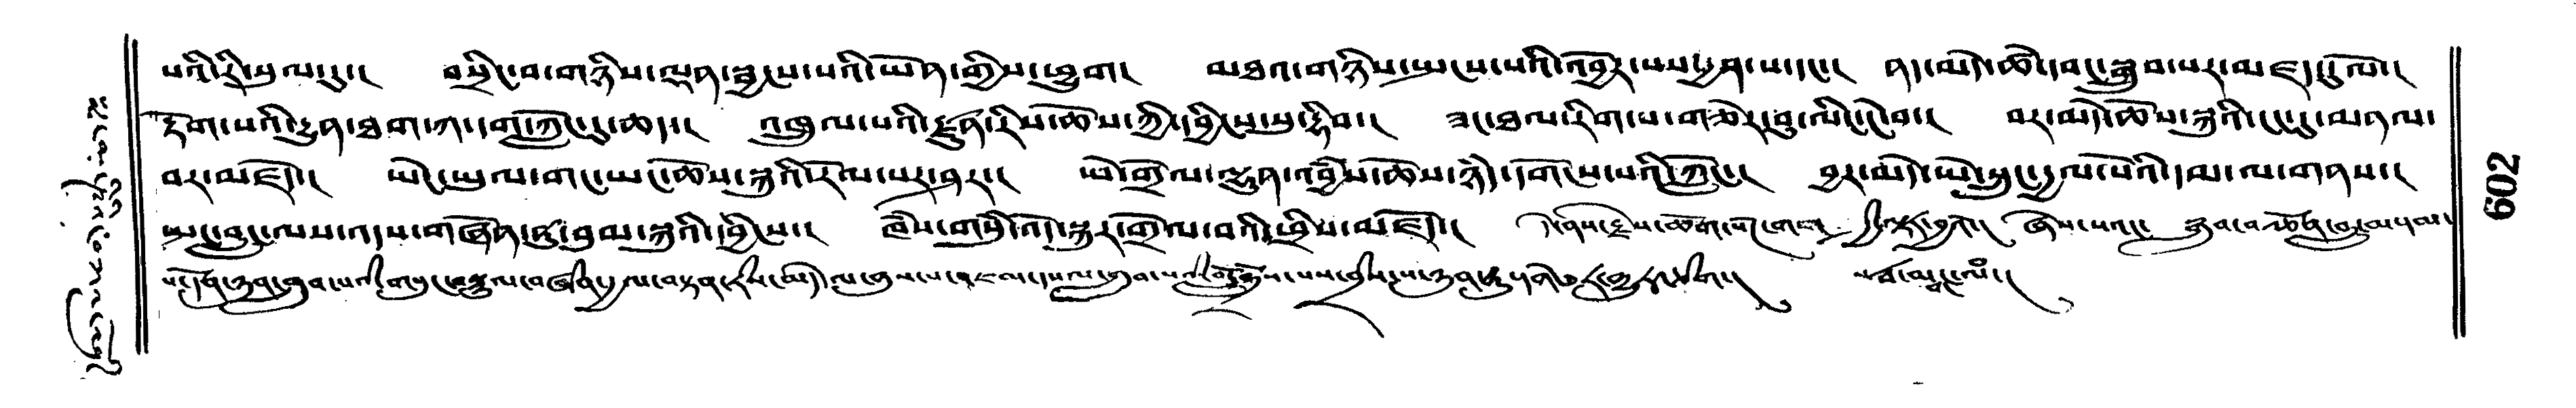པའི་རི་སུལ་དུ། །སྲིང་བ་གཉིས་ལྡན་སྦྱངས་པའི་ཡོན་གྱིས་ཕྱུག །མཐའ་གཉིས་སྤངས་པའི་འབྱོར་པས་བརྒྱན་པ་དང་། །ནད་མེད་ཚེ་དབང་སྒྲུབ་པར་མཛད་དུ་གསོལ། །
རྟོག་པའི་རྒྱུན་ཐག་ཀ་དག་ཀློང་དུ་ཆད། །འཁྲུལ་པའི་རྫུན་རིས་ཆོས་ཀྱི་དབྱིངས་སུ་རྡིབ། །ཟང་ཐལ་རིག་པ་གཅེར་བུ་ལིང་ངེ་བ། །བར་མེད་ཆོས་སྐུའི་ངང་དུ་མནལ་
བར་མཛོད། །ཡོང་ཡུལ་གང་ཡང་ཆོས་སྐུའི་རོལ་པར་ཤར། །ཡེ་གྲོལ་ལྷུན་འབྱམས་ཆོས་ཉིད་དགོངས་པའི་ཀློང་། །བྱར་མེད་ཡེ་སྲུང་རྒྱལ་པོའི་དམ་ལ་གནས། །
སྤང་བླང་ལས་འདས་གཞོན་དུ་བུམ་སྐུའི་དབྱིངས། །ཁམས་གསུམ་འོད་སྐུར་གྲོལ་བའི་ཕྲིན་ལས་མཛོད།།དེ་ནས་རྗེས་ཆོག་སོགས་སྤྱི་ལྟར་བྱའོ། །ཞེས་པའང་སྒྲུབ་བརྩོན་བླ་མ་དམ་
པ་དོན་ཀུན་གྲུབ་པའི་གསུང་བསྐུལ་བཞིན་རྒྱལ་བསྟན་རིས་མེད་ལ་ནགུས་པ་འཇམ་དཔལ་གྲུབ་པའི་བློ་གྲོས་པས་བྲིས་པ་ཀུན་ཏུ་དགེ་བར་གྱུར་ཅིག སརྦ་མངྒ་ལཾ། དགེའོ།།